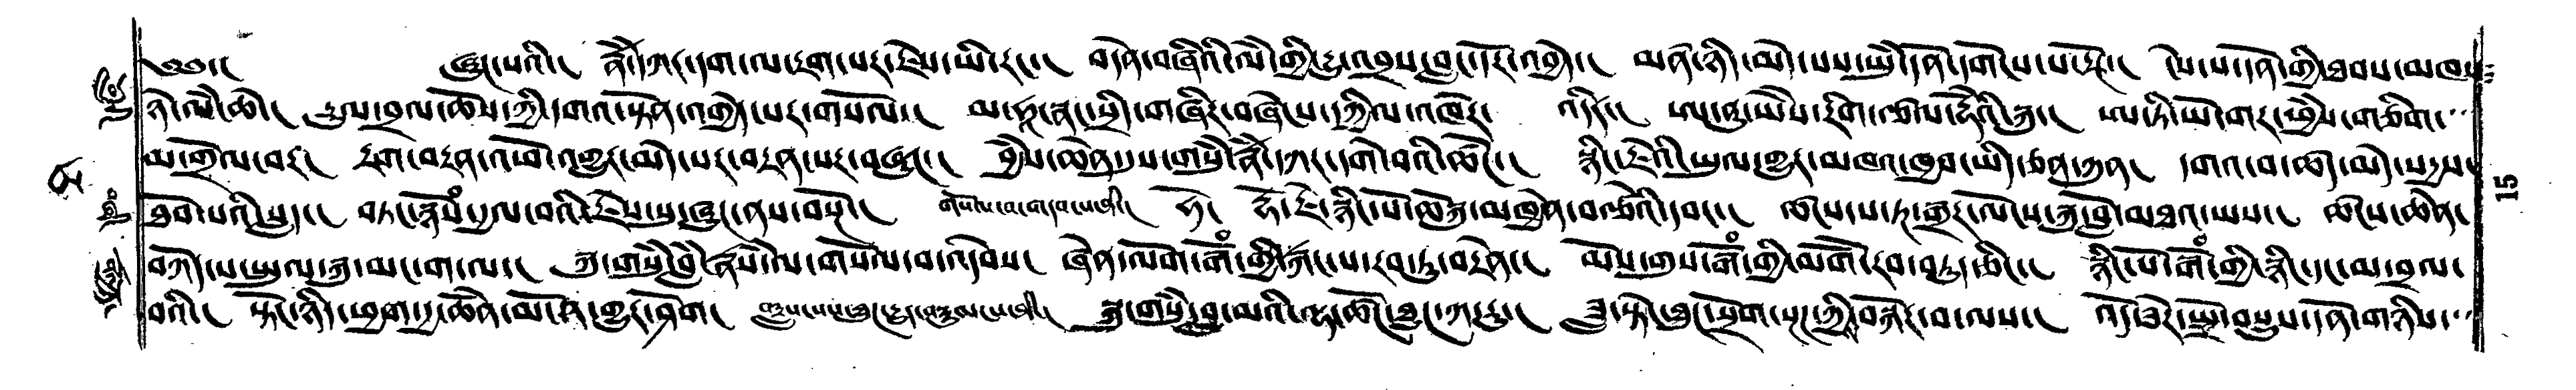ཞུགས་པའི། །རྣམ་དཀར་དགེ་ལ་རྟག་པར་རྗེས་ཡི་རང་། བདེན་བཞིའི་ལམ་གྱིས་རྒྱུ་འབྲས་བླང་དོར་འབྱེད། །མཚན་ཉིད་མེད་པས་ཡུམ་དོན་དགོངས་པ་རྟོགས། །ངེས་པ་དོན་གྱི་ཐབས་མཁས་
ཉེ་ལམ་ཆེ། །རྡུལ་བྲལ་ཆོས་ཀྱི་དགའ་སྟོན་འགྱེད་པར་གསོལ། །མ་ཧཱ་སྣང་སྲིད་གཞིར་བཞེངས་དཀྱིལ་འཁོར་འདིར། །ཨ་ནུ་ཡེ་ཤེས་རིག་རྩལ་རྡོ་རྗེའི་སྐུ། །ཨ་ཏི་ཡོ་གར་ཕྱམ་གཅིག་
མ་གྲོལ་བར། །རྟག་བརྟན་འཕོ་འགྱུར་མེད་པར་བརྟན་པར་བཞུགས། །བྱམས་ཆེན་དུས་གསུམ་རྣམ་དཀར་དགེ་བའི་ཚོགས། །སྙིང་རྗེའི་ཡུལ་གྱུར་མཁའ་ཁྱབ་ཡིད་ཅན་ཀུན། །དགའ་བ་ཚད་མེད་སངས་རྒྱས་
ཐོབ་པའི་སླད། །བཏང་སྙོམས་རྒྱལ་བའི་རྗེས་སུ་ཞུགས་ནས་བསྔོ། །གསོལ་བ་གདབ་པ་ནི། ཧོ། རྡོ་རྗེ་སྙིང་པོ་ཆོས་སྐུ་མཁྱེན་བརྩེའི་དབང་། །ཚངས་པ་རྔ་སྒྲར་ལོངས་སྐུ་བློ་མཐའ་ཡས། །ཚངས་ཆེན་
བཀོད་པ་སྤྲུལ་སྐུ་མངྒ་ལ། །སྐུ་གསུམ་བླ་མ་རྣམས་ལ་གསོལ་བ་འདེབས། །ཞེན་ལོག་སྒོམ་གྱི་རྐང་པ་རབ་ཏུ་བརྟན། །མོས་གུས་སྒོམ་གྱི་མགོ་བོ་རབ་དུད་ཅིང་། །སྙིང་པོ་སྒོམ་གྱི་སྙིང་དང་མ་བྲལ་
བའི། །སྟོང་ཉིད་ཕྱག་རྒྱ་ཆེན་པོ་མངོན་གྱུར་ཤོག བཟླས་པས་ཐུགས་རྒྱུད་བསྐུལ་པ་ནི། སྐུ་གསུམ་བླ་མའི་ལྷ་ཚོགས་ཐུགས་ཀ་རུ། །ཟླ་སྟེང་ཐུགས་སྲོག་སྔགས་ཀྱིས་བསྐོར་བ་ལས། །འོད་ཟེར་སྤྲོ་བསྡུས་དོན་གཉིས་